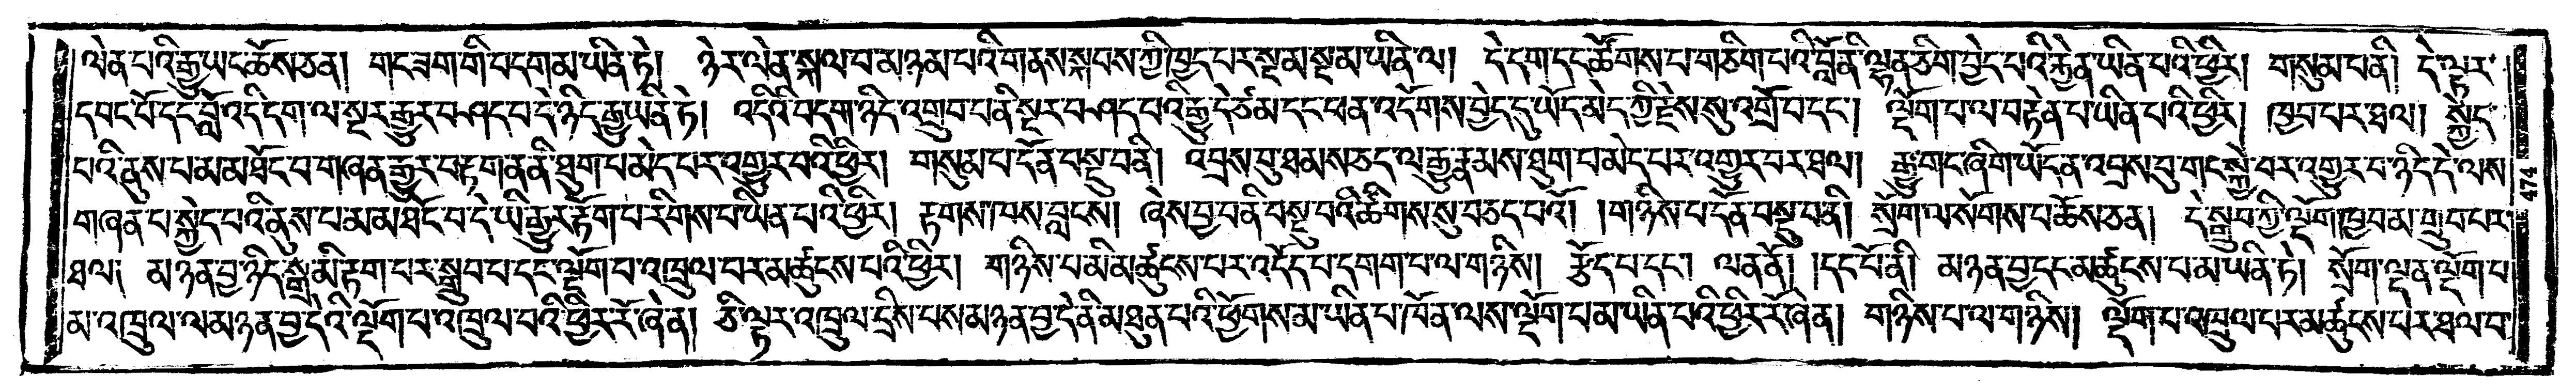ལེན་པའི་རྒྱུ་ཡང་ཆོས་ཅན། གང་ཟག་གི་བདག་མ་ཡིན་ཏེ། ཉེར་ལེན་སྐལ་བ་མཉམ་པའི་གནས་སྐབས་ཀྱི་ཁྱད་པར་སྔ་མ་སྔ་མ་ཡིན་ལ། དེ་དག་དང་ཚོགས་པ་གཅིག་པའི་བློ་ནི་ལྷན་ཅིག་བྱེད་པའི་རྐྱེན་ཡིན་པའི་ཕྱིར། གསུམ་པ་ནི། དེ་ལྟར་
དབང་པོ་དང་བློ་འདི་དག་ལ་སྔར་རྒྱུར་བཤད་པ་དེ་ཉིད་རྒྱུ་ཡིན་ཏེ། འདིའི་བདག་ཉིད་འགྲུབ་པ་ནི་སྔར་བཤད་པའི་རྒྱུ་དེ་ཙམ་དང་ཕན་འདོགས་བྱེད་དུ་ཡོད་མེད་ཀྱི་རྗེས་སུ་འགྲོ་བ་དང་། ལྡོག་པ་ལ་བརྟེན་པ་ཡིན་པའི་ཕྱིར། ཁྱབ་པར་ཐལ། སྐྱེད་
པའི་ནུས་པ་མ་མཐོང་བ་གཞན་རྒྱུར་བརྟག་ན་ནི་ཐུག་པ་མེད་པར་འགྱུར་བའི་ཕྱིར། གསུམ་པ་དོན་བསྡུ་བ་ནི། འབྲས་བུ་ཐམས་ཅད་ལ་རྒྱུ་རྣམས་ཐུག་པ་མེད་པར་འགྱུར་བར་ཐལ། རྒྱུ་གང་ཞིག་ཡོད་ན་འབྲས་བུ་གང་སྐྱེ་བར་འགྱུར་བ་ཉིད་དེ་ལས་
གཞན་པ་སྐྱེད་པའི་ནུས་པ་མ་མཐོང་བ་དེ་ཡི་རྒྱུར་རྟོག་པ་རིགས་པ་ཡིན་པའི་ཕྱིར། རྟགས་ཁས་བླངས། ཞེས་བྱ་བ་ནི་བསྡུ་བའི་ཚིགས་སུ་བཅད་པའོ། །གཉིས་པ་དོན་བསྡུ་བ་ནི། སྲོག་ལ་སོགས་པ་ཆོས་ཅན། དེ་སྒྲུབ་ཀྱི་ལྡོག་ཁྱབ་མ་གྲུབ་པར་
ཐལ༑ མཉན་བྱ་ཉིད་སྒྲ་མི་རྟག་པར་སྒྲུབ་པ་དང་ལྡོག་པ་འཁྲུལ་བར་མཚུངས་པའི་ཕྱིར། གཉིས་པ་མི་མཚུངས་པར་འདོད་པ་དགག་པ་ལ་གཉིས། རྩོད་པ་དང་། ལན་ནོ། །དང་པོ་ནི། མཉན་བྱ་དང་མཚུངས་པ་མ་ཡིན་ཏེ། སྲོག་ལྡན་ལྡོག་པ་
མ་འཁྲུལ་ལ་མཉན་བྱ་དེའི་ལྡོག་པ་འཁྲུལ་བའི་ཕྱིར་རོ་ཞེ་ན། ཅི་ལྟར་འཁྲུལ་དྲིས་པས་མཉན་བྱ་དེ་ནི་མཐུན་པའི་ཕྱོགས་མ་ཡིན་པ་ཁོ་ན་ལས་ལྡོག་པ་མ་ཡིན་པའི་ཕྱིར་རོ་ཞེ་ན། གཉིས་པ་ལ་གཉིས། ལྡོག་པ་འཁྲུལ་པར་མཚུངས་པར་ཐལ་བ་